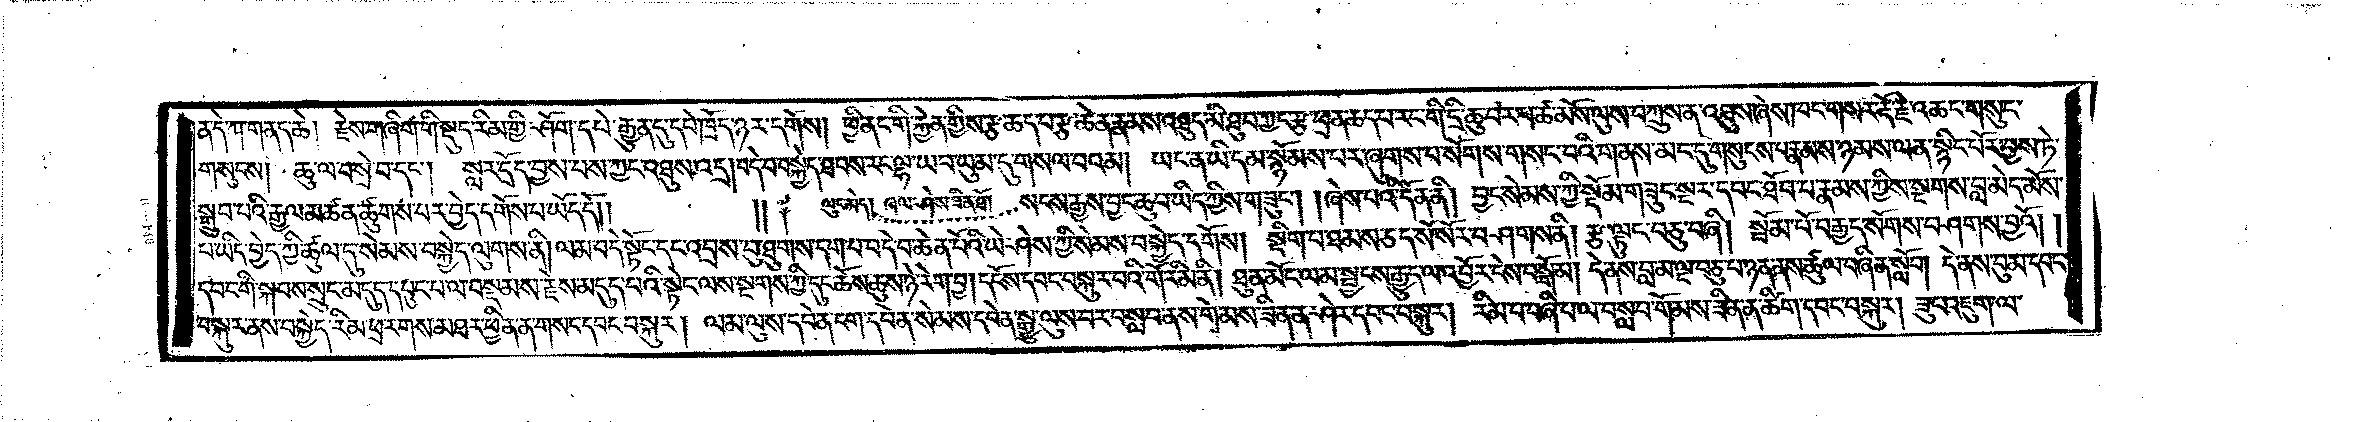ན་དེ་ཀ་གནད་ཆེ། རྗེས་གཞིག་གི་སྡུད་རིམ་གྱི་ཤོག་དཔེ་རྒྱུན་དུ་དཔེ་ཁྲོད་ཉར་དགོས། ཕྱི་ནང་གི་རྐྱེན་གྱིས་རྩ་ཆད་པ་རྩ་ཆེན་རྣམས་འཐུད་མི་ཐུབ་ཀྱང་རྩ་ཕྲན་ཆད་པ་རང་གི་དྲི་ཆུ་བར་པ་ཚ་མོས་ལུས་བཀྲུས་ན་འཐུས་ཞེས་ཁང་གསར་རྡོ་རྗེ་འཆང་གསུང་
གསུངས། ཆུ་ལ་བསྲེ་བ་དང་། སླར་དྲོད་བྱས་པས་ཀྱང་འཐུས་འདྲ། བདེ་བ་བསྐྱེད་ཐབས་རང་ལྷ་ཡབ་ཡུམ་དུ་གསལ་བའམ། ཡང་ན་ཡི་དམ་སྙོམས་པར་ཞུགས་པ་སོགས་གསང་བའི་གནས་མང་དུ་གསུངས་པ་རྣམས་ཉམས་ལན་སྙིང་པོར་བྱས་ཏེ་
སྒྲུབ་པའི་རྒྱལ་མཚན་ཚུགས་པར་བྱེད་དགོས་པ་ཡོད་དོ།། ༈ །།སངས་ལུང་མེད།  ཞལ་ཤེས་ཟིན་ཐོ།  རྒྱས་བྱང་ཆུབ་ཡིད་ཀྱིས་གཟུང་། །ཞེས་པའི་དོན་ནི། བྱང་སེམས་ཀྱི་སྡོམ་གཟུངས་སྔར་དབང་ཐོབ་པ་རྣམས་ཀྱིས་སྔགས་ཟླ་མེད་མོས་
པ་ཡིད་བྱེད་ཀྱི་ཚུལ་དུ་སེམས་པ་བསྐྱེད་ལུགས་ནི། ལམ་བདེ་སྟོང་དང་འབྲས་བུ་ཐུགས་དག་པ་བདེ་བ་ཆེན་པོའི་ཡེ་ཤེས་ཀྱི་སེམས་བསྐྱེད་དགོས། སྡིག་པ་ཐམས་ཅད་སོ་སོར་བཤགས་ནི། རྩ་ལྟུང་བཅུ་བཞི། སྦོམ་པོ་བརྒྱད་སོགས་བཤགས་བྱའོ། །
དབང་གི་སྐབས་སྲུང་མདུད་དཔུང་པ་ལ་བསྡམས་རྗེས་མདུད་པའི་སྟེང་ལས་སྔགས་ཀྱི་དུང་ཆོས་ཆུས་ཉེ་རེག་བྱ། དངོས་དབང་བསྐུར་བའི་གོ་རིམ་ནི། ཐུན་མོང་ལམ་སྦྱངས་རྒྱུད་ལ་འབྱོར་ངེས་བསྒོམ། དེ་ནས་བླ་མ་ལྔ་བཅུ་པ་ཉན་ནས་ཚུལ་བཞིན་སློབ། དེ་ནས་བུམ་དབང་
བསྐུར་ནས་བསྐྱེད་རིམ་ཕྲ་རགས་མཐར་ཕྱིན་ན་གསང་དབང་བསྐུར། ལམ་ལུས་དབེན་ངག་དབེན་སེམས་དབེན་སྒྱུ་ལུས་བར་བསླབ་ནས་གེམས་ཟིན་ན་ཤེར་དབང་བསྐུར། རིམ་པ་བཞི་པ་ལ་བསླབ་གོམས་ཟིན་ན་ཚིག་དབང་བསྐུར། ཟུང་འཇུག་ལ་